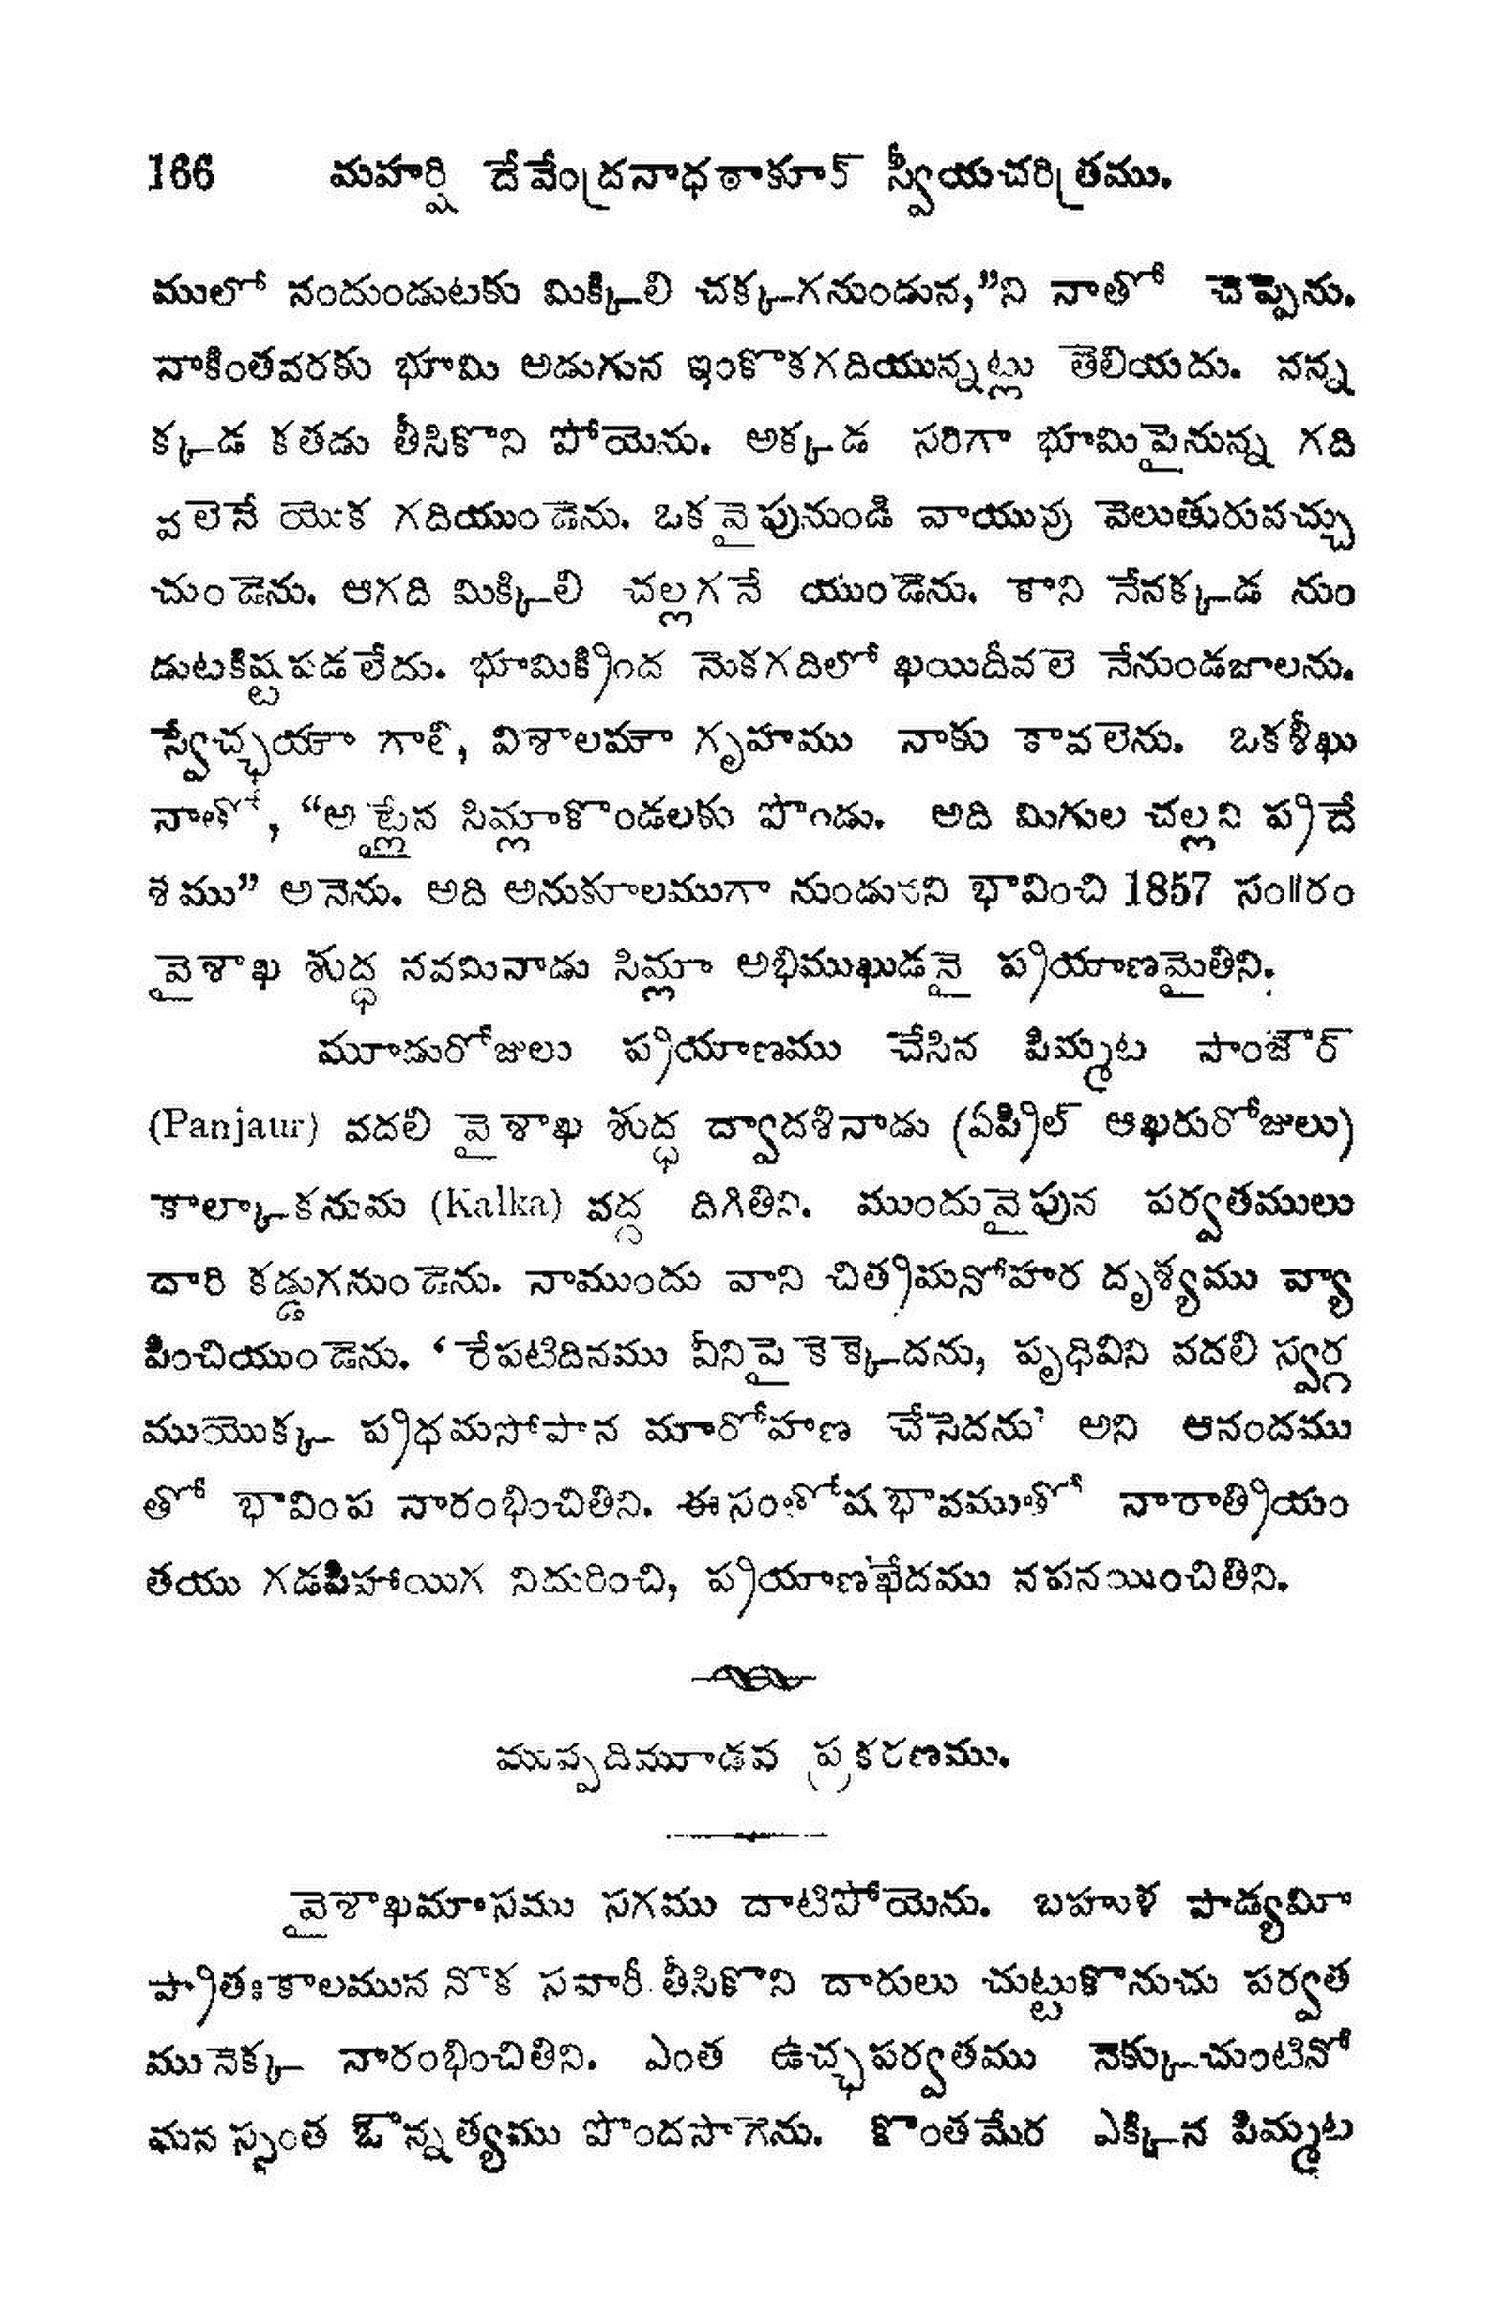,
ములో నందుండుటకు మిక్కిలి చక్కగనుండున,”ని నాతో చెప్పెను.
నాకింతవరకు భూమి అడుగున ఇంకొకగదియున్నట్లు తెలియదు. నన్న
క్కడ కతడు తీసికొని పోయెను. అక్కడ సరిగా భూమిపైనున్న గది
వలెనే యొక గదియుండెను. ఒక వైపునుండి వాయువు వెలుతురు వచ్చు
చుండెను. ఆగది మిక్కిలి చల్లగనే యుండెను. కాని నేనక్కడ నుం
డుటకిష్ట పడ లేదు. భూమికింద మొకగదిలో ఖయిదీ వలెనేనుండజాలను.
స్వేచ్ఛయౌ గాలి, విశాలమౌ గృహము నాకు కావలెను. ఒకశీఖు నాతో
"ఆ ట్లైన సిమ్లా కొండలకు పొండు. అది మిగుల చల్లని ప్రదే
శము” అనెను. అది అనుకూలముగా నుండునని భావించి 1857 సం||రం
వైశాఖ శుద్ధ నవమినాడు సిమ్లా అభిముఖుడనై ప్రయాణమైతిని.

మూడు రోజులు ప్రయాణము చేసిన పిమ్మట పాంఔర్
(Panjaur) వదలి వైశాఖ శుద్ధ ద్వాదశి నాడు (ఏప్రిల్ ఆఖరు రోజులు)
కాల్కాకనుమ (kalka) వద్ద దిగితిని. ముందు వైపున పర్వతములు
దారి కడ్డుగనుండెను. నాముందు వాని చిత్ర మనోహర దృశ్యము 
వ్యాపించియుండెను. ' రేపటిదినము వీనిపై కెక్కెదను, పృధివిని వదలి 
స్వర్గము యొక్క ప్రధమసోపాన మారోహణ చేసెదను' అని ఆనందము
తో భావింప నారంభించితిని. ఈ సంతోష భావముతో నారాత్రియం
తయు గడపి హాయిగ నిదురించి, ప్రయాణ ఖేదము నపనయించితిని.

.
వైశాఖమాసము సగము దాటిపోయెను. బహుళ పాడ్యమి ప్రాతః కాలమున నొక సవారీ తీసికొని దారులు చుట్టుకొనుచు పర్వతము నెక్క నారంభించితిని. ఎంత ఉచ్ఛపర్వతము నెక్కుచుంటినో మన స్పంత ఔన్నత్యము పొందసాగెను. కొంత మేర ఎక్కిన పిమ్మట